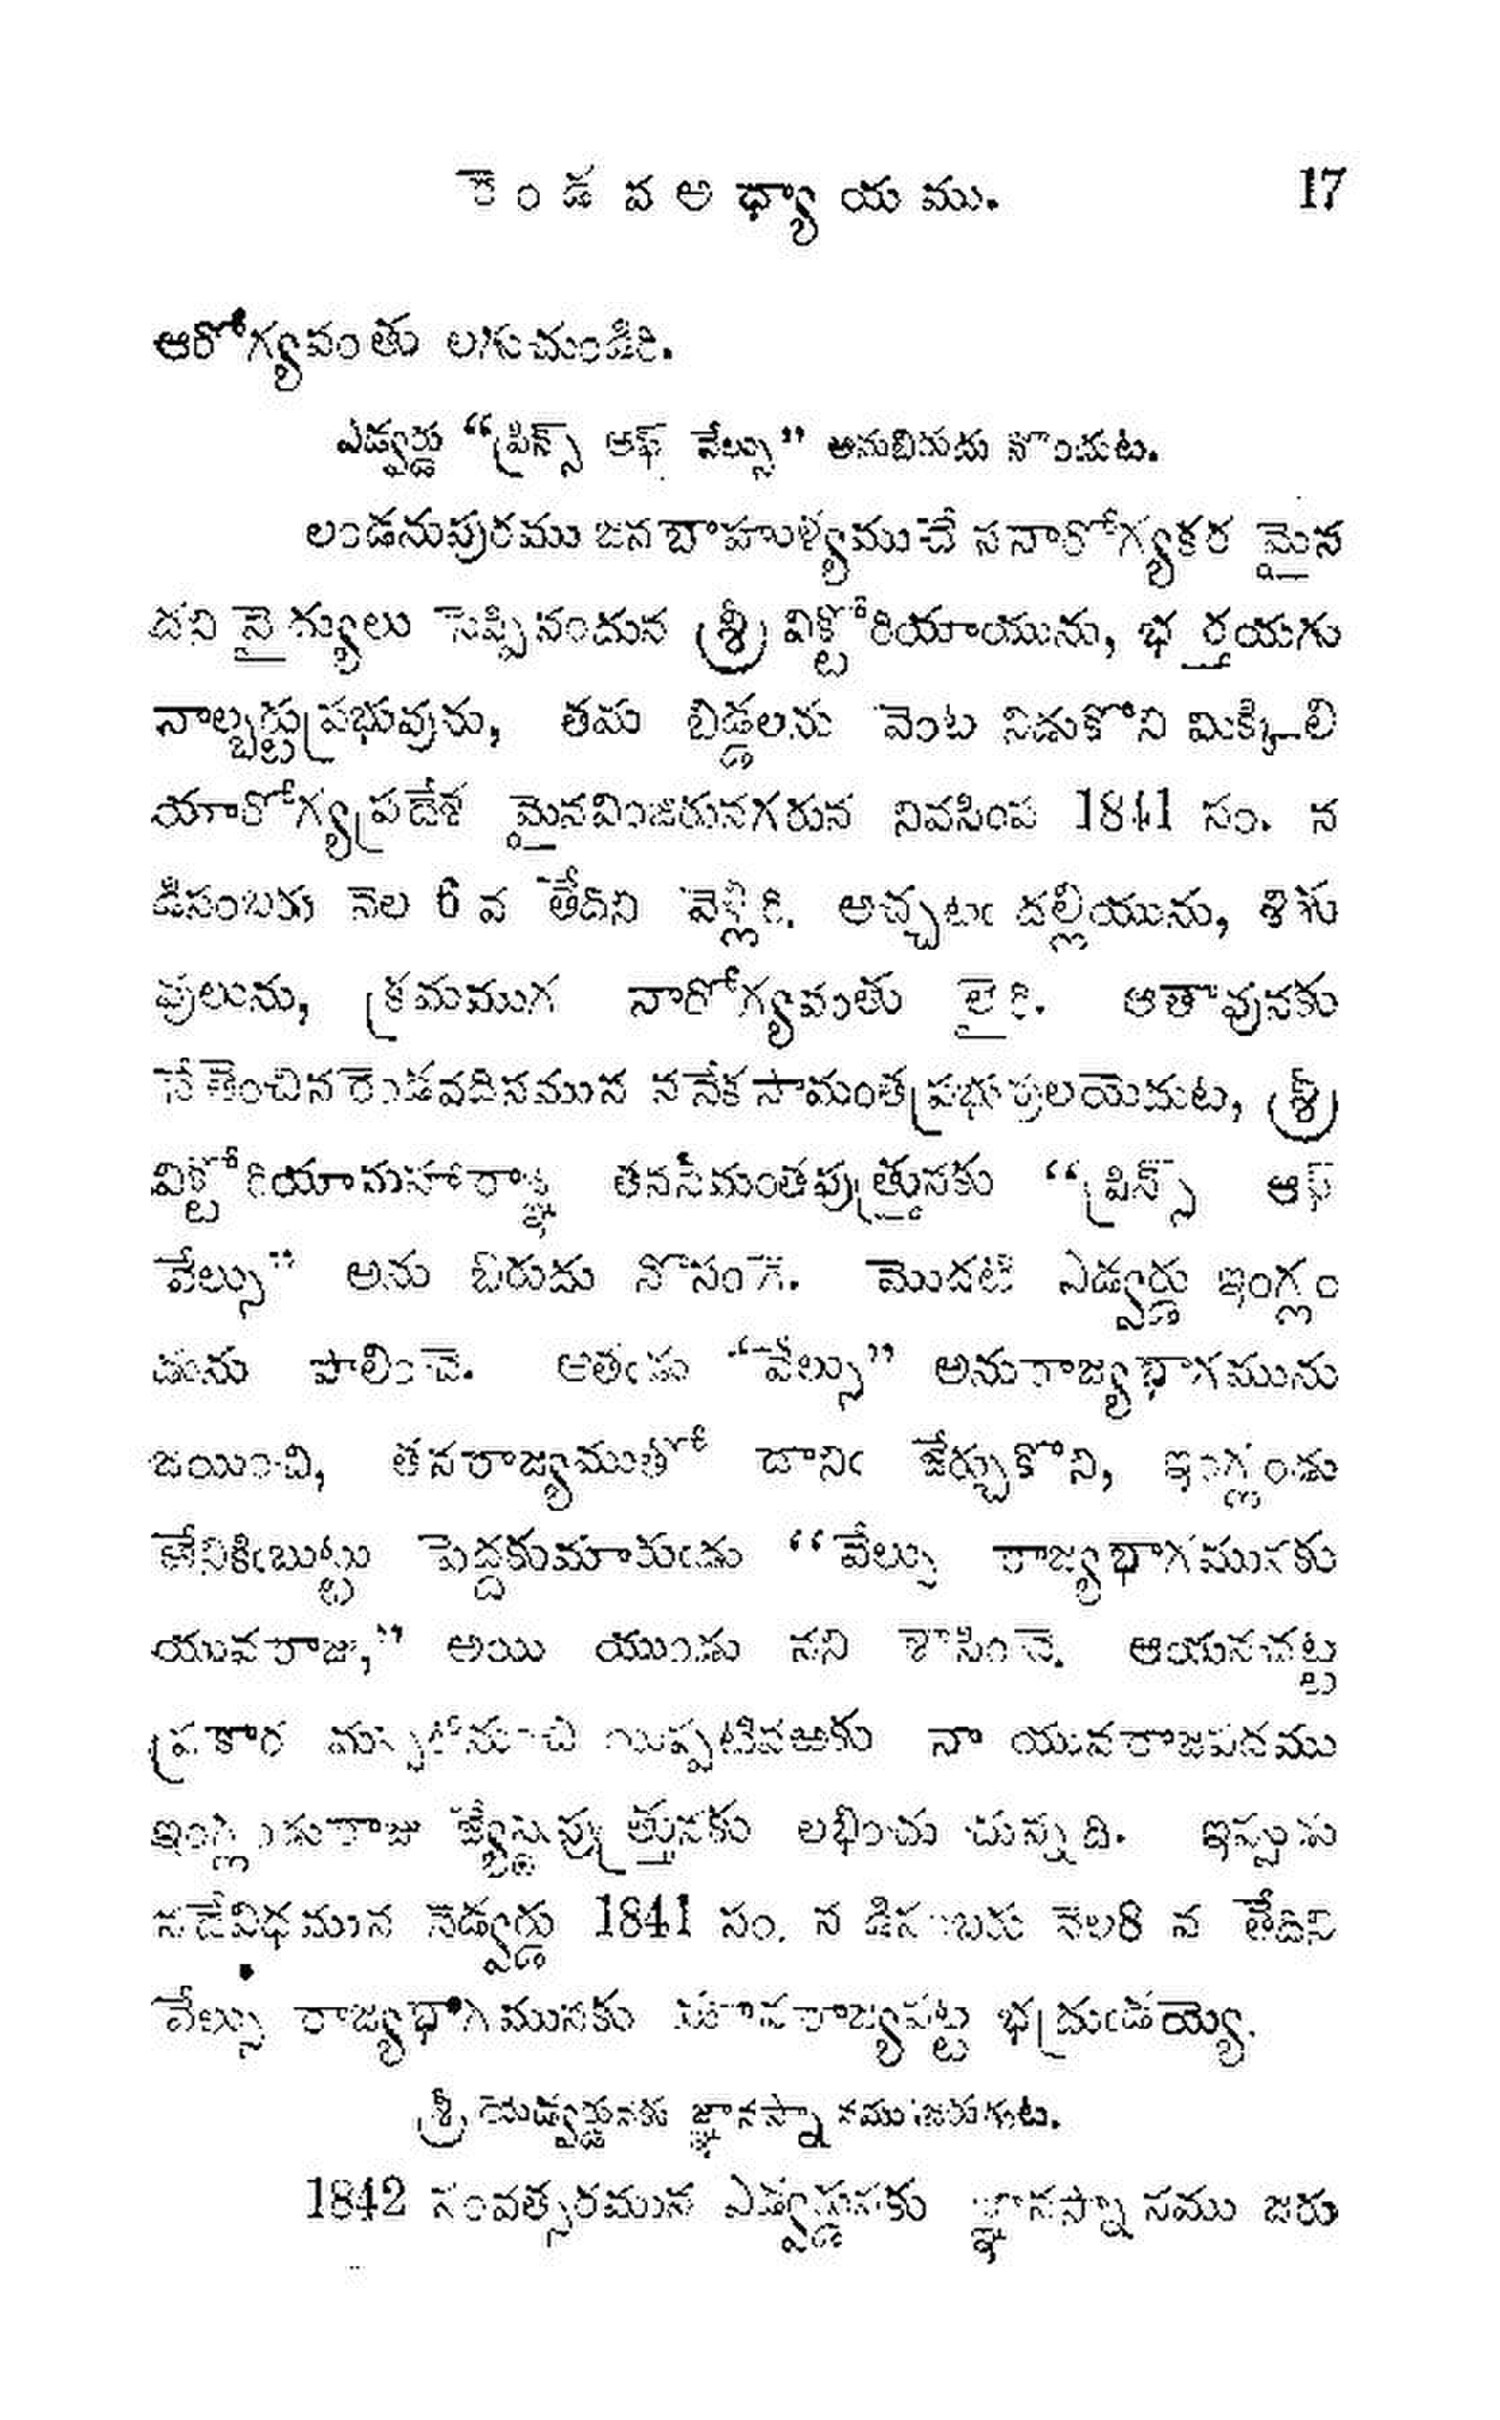ఆరోగ్యవంతు లగుచుండిరి.

ఎడ్వర్డు " ప్రిన్స్ ఆఫ్ వేల్సు " అనుబిరుదు నొందుట.లండనుపురము జన బాహుళ్యము చే సనారోగ్యకర మైనదని వైద్యులు సెప్పినందున శ్రీ విక్టోరియాయును, భర్తయగు
నాల్బర్టు ప్రభువును, తమ బిడ్డలను వెంట నిడుకొని మిక్కిలి యారోగ్యప్రదేశ మైనవింజరునగరున నివసింప 1841 సం. న డిసంబరు నెల 6 వ తేదీన 'వెళ్లిరి. అచ్చటఁ దల్లియును, శిశుపులును, క్రమముగ నారోగ్యవంతులైరి. ఆతావునకు "నే తించిన రెండవదినమున ననేక సామంతప్రభు పలయెదుట, శ్రీవిక్టోరియా మ హారాన్ని తన సీమంతపుత్రునకు "ప్రిన్స్ ఆఫ్ వేల్సు" అను బిరుదు నొసంగే. మొదటి ఎడ్వర్డు ఇంగ్లండును పాలించెను. అతడు " వేల్సు" అను రాజ్యభాగమును
జయించి, తనరాజ్యములో దానిఁ జేర్చుకొని, ఇంగ్లండు ఱేనికిఁబుట్టు పెద్దకుమారుఁడు " వేల్సు కాజ్యభాగముగకు యువ రాజు , " అయి యుండునని శాశించెను. ఆయన చట్ట ప్రకార మప్పటినుంచి యిప్పటివఱకు నా యువరాజు పదము ఇంగ్లండు రాజు జ్యేష్టపుత్రునకు లభించు చున్నది. ఇప్పుడు
సదేవిధమున నెడ్వర్డు 1841 సం. నడిశెం బరు నెల 8 వ తేదీని,వేల్సు రాజ్యభాగ ముసకు యౌవ రాజ్య పట్ట భద్రుఁడయ్యె.

1842 సంవత్సరమున ఎడ్వర్డునకు జ్ఞానస్నా సము జరు